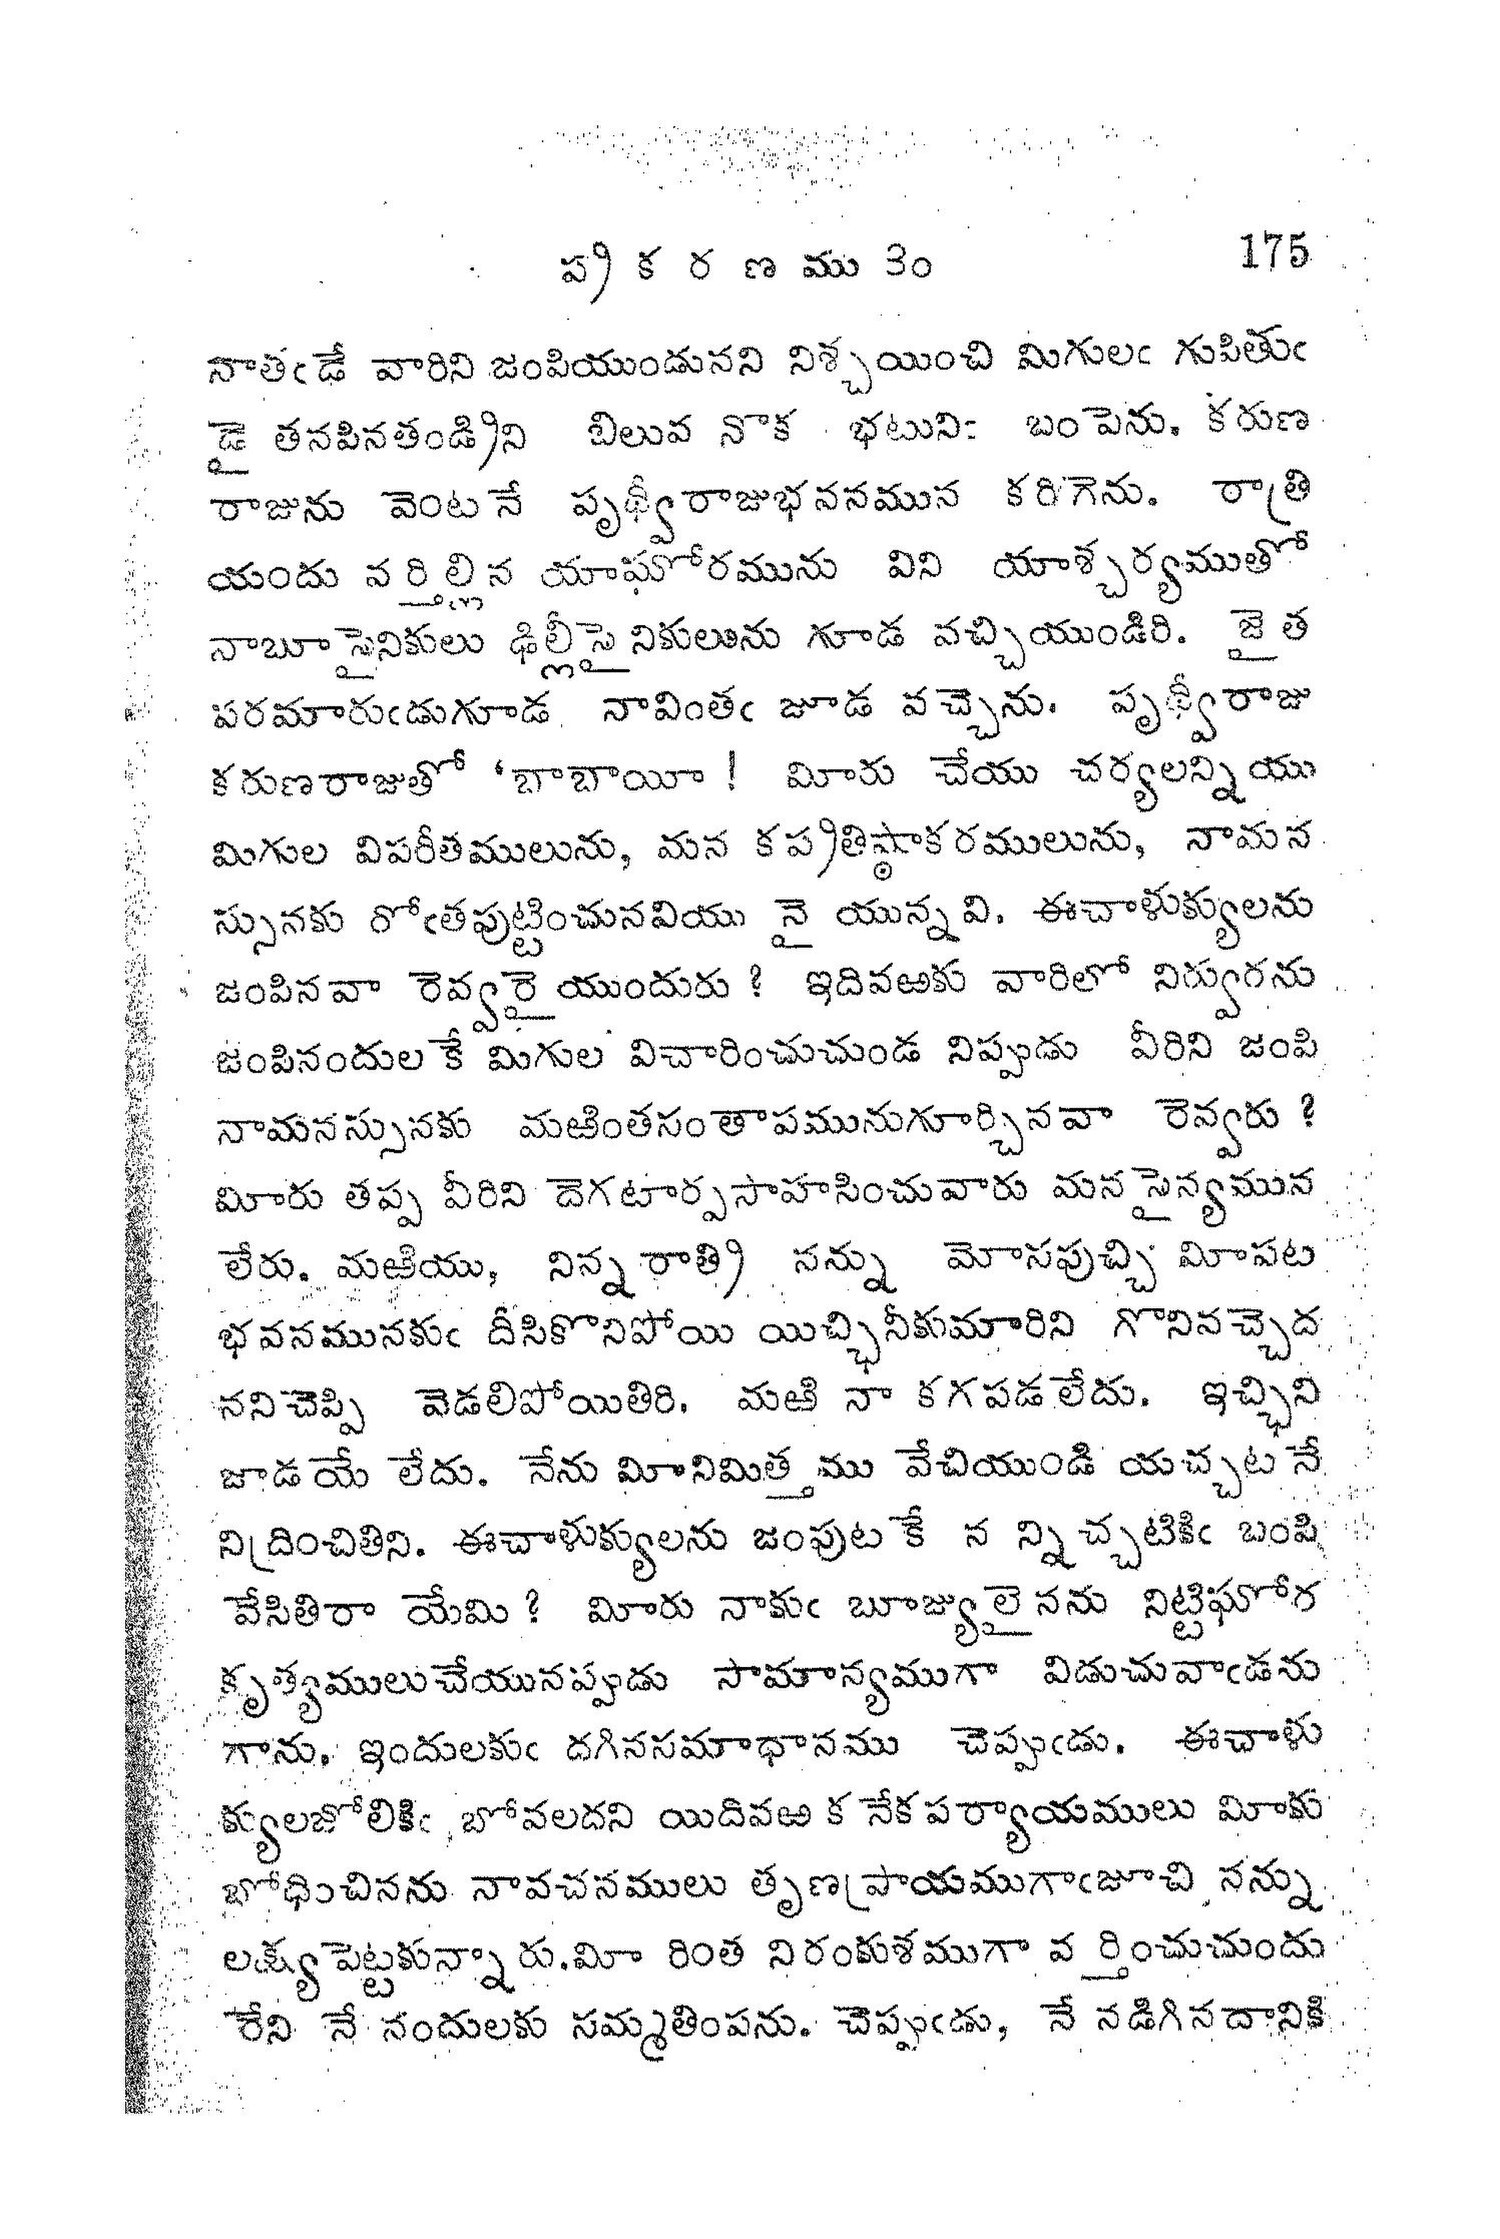నాతఁడే వారిని జంపియుండునని నిశ్చయించి మిగులఁ గుపితు
డై తన పినతండ్రిని బిలువ నొక - భటుని: బంపెను, కరుణ
రాజును వెంట నే పృథ్వీరాజు భవనమున కరిగెను. రాత్రి
యందు నర్తిల్లిన యాఘోరమును విని యాశ్చర్యముతో
నాబూ సైనికులు ఢిల్లీ సై నికులును గూడ వచ్చియుండిరి. జై త
పరమారుఁడుగూడ, నావింతఁ జూడ ప చ్చెను. పృద్వీరాజు
కరుణ రాజుతో 'బాబాయీ ! మీరు చేయు చర్యలన్నియు
మిగుల విపరీతములును, మన కప్రతిష్టాకరములును, నామన
స్సునకు రోత పుట్టించునవియు వై యున్నవి. ఈ చాళుక్యులను
జంపిన వారెవ్వరై యుందురు . ఇది వఱకు వారిలో నిర్వురను
జంపినందుల కే మిగుల విచారించుచుండ నిప్పుడు వీరిని జంపి
నామసస్సునకు మఱంతసం తాపమునుగూర్చినవా రెవ్వరు ?
మీరు తప్ప వీరిని దెగటార్పసాహసించువారు మన సైన్యమున
లేరు. మఱియు, నిన్న రాత్రి నన్ను మోసపుచ్చి మీపట
భవనమునకుఁ దీసికొనిపోయి యిచ్ఛినీకుమారిని గొనివచ్చెద
నని చెప్పి వెడలిపోయితిరి. మఱి నా కగపడ లేదు,
ఇచ్చినిజాడ యే లేదు. 'నేను మీనిమిత్త ము వేచియుండి యచ్చట నే
నిద్రించితిని. ఈ చాళుక్యులను జంపుట కే నన్నిచ్చటికిఁ బంపి
వేసితిరాయేమి ? మీరు నాకుఁ బూజ్యులై నను నిట్టి ఘోర
కృత్యములు చేయునప్పుడు సామాన్యముగా విడుచువాఁడను
గాను, ఇందులకుఁ దగినసమాధానము చెప్పుఁడు. ఈచాళు
క్యులజోలికి ,బోవలదని యిదివఱక నేక పర్యాయములు మీకు
బోధించినను నావచనములు తృణప్రాయముగాఁజూచి నన్ను.
లక్ష్యపెట్టకున్నారు.మీ రింత నిరంకుశముగా వర్తించుచుందు
రేని నే నందులకు సమ్మతింపను. చెప్పుఁడు, నే నడిగిన దానికి